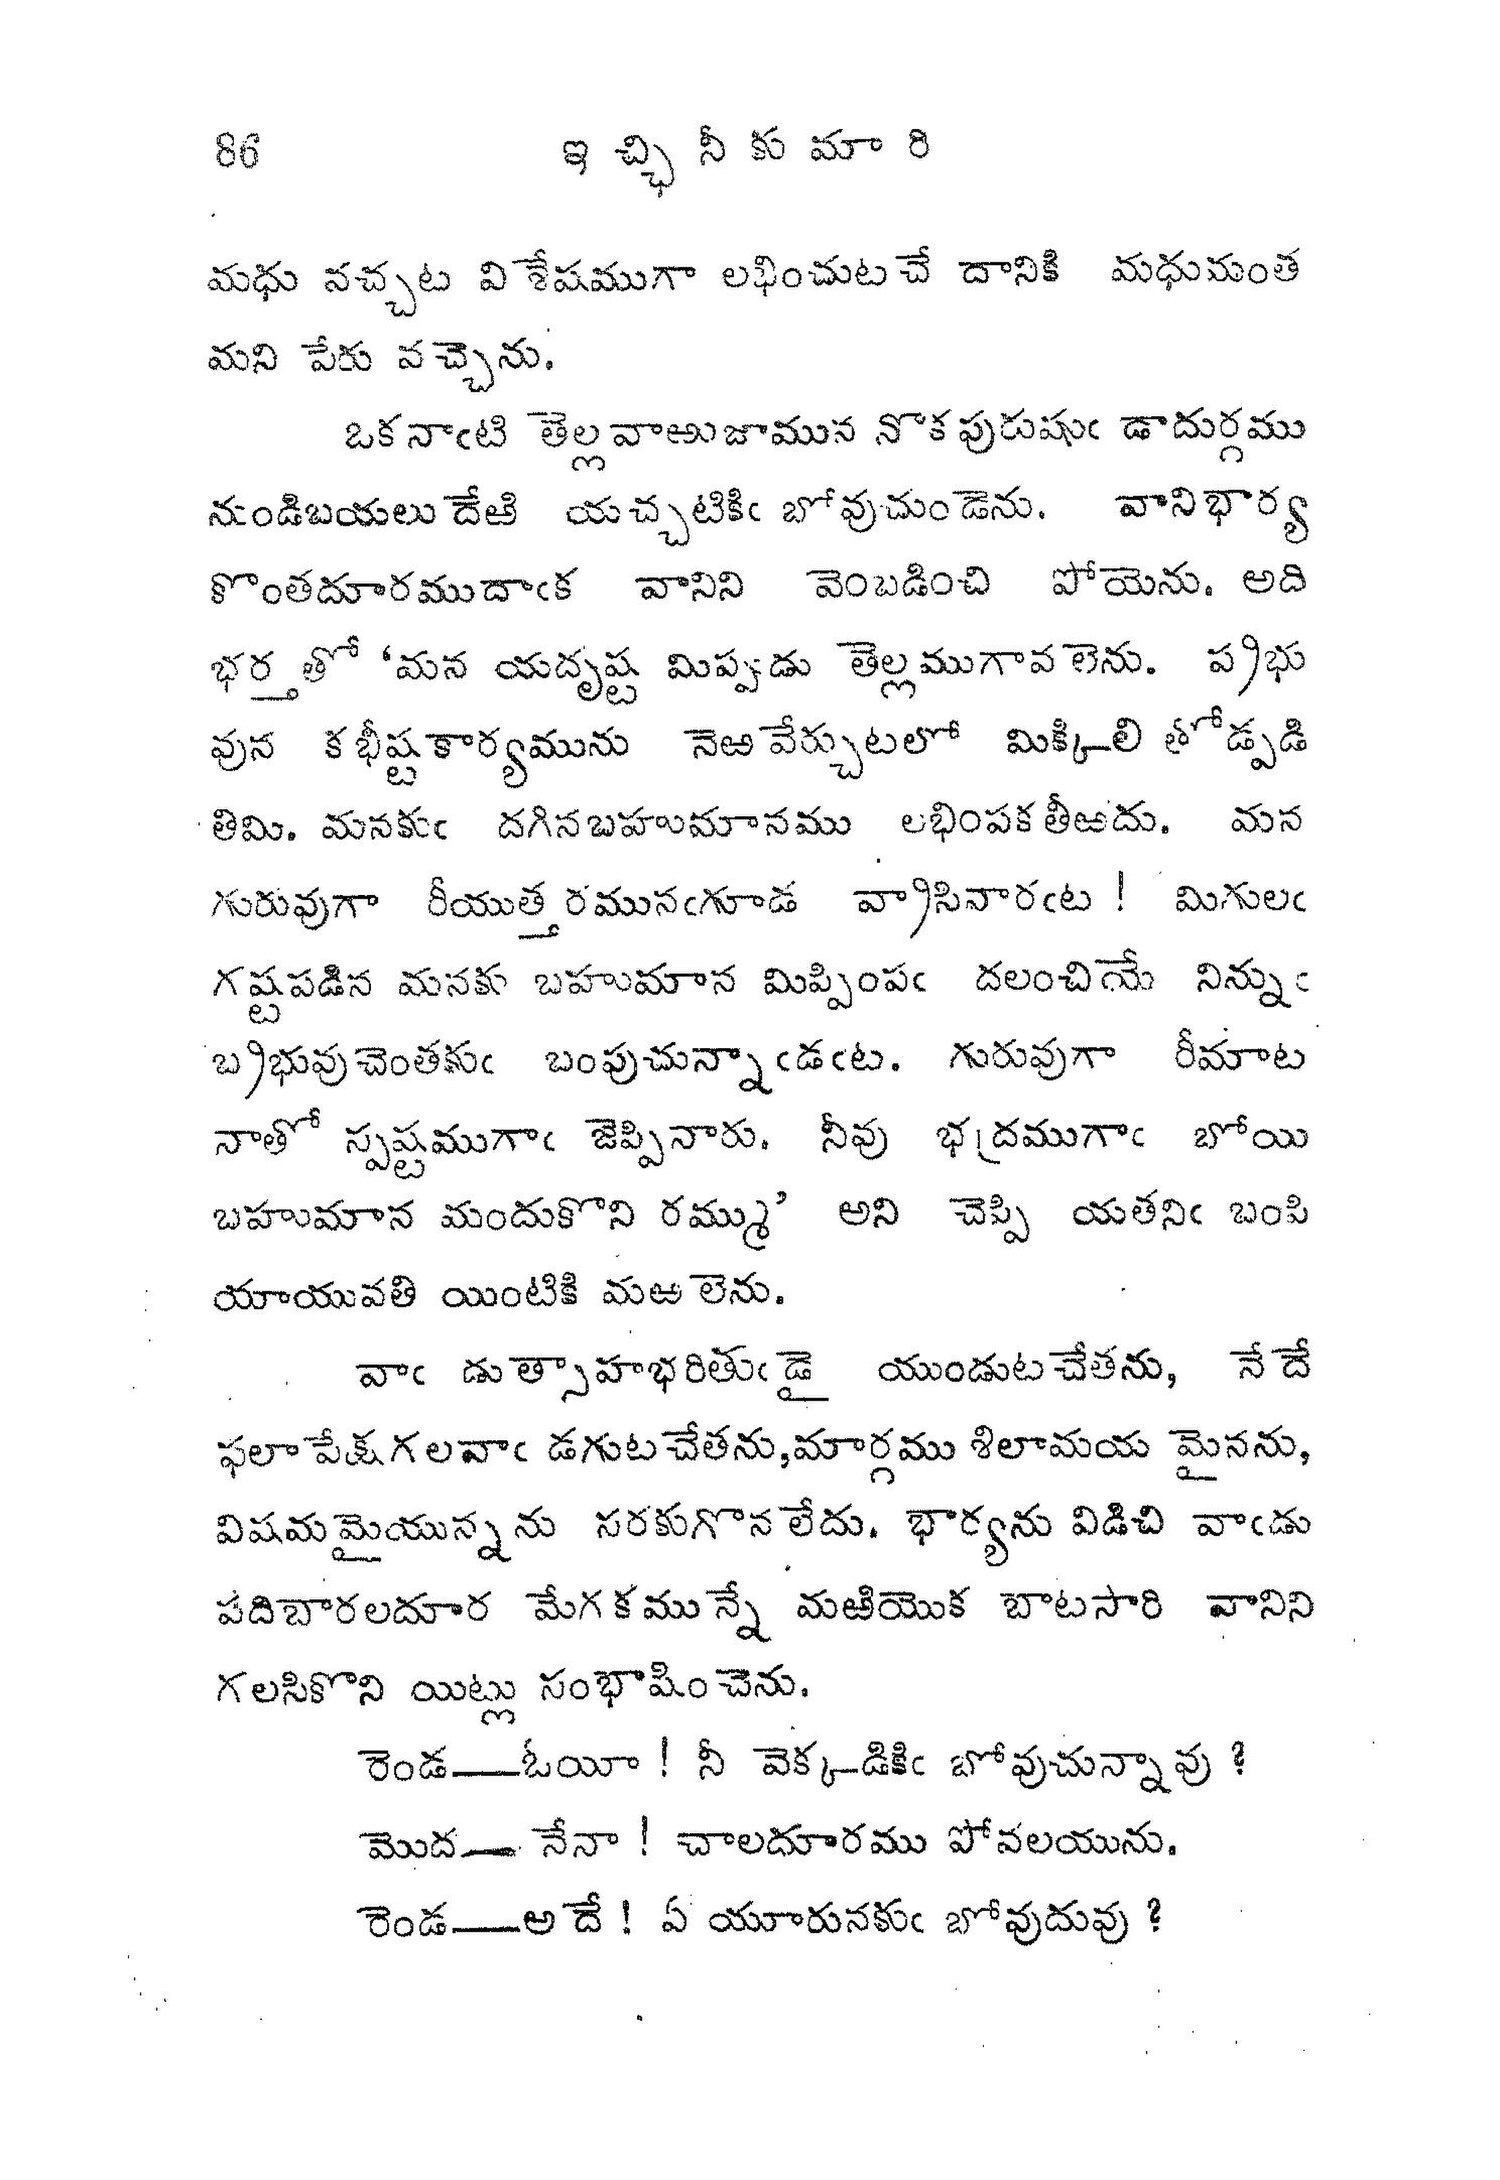మన మధు నచ్చట విశేషముగా లభించుట చే దానికి మధుమంత మని పేరు వచ్చెను.

ఒక నాఁటి తెల్ల వాజు జామున నొక పురుషుఁ డాదుర్గము నుండిబయలు దేఱి యచ్చటికిఁ బోవుచుండెను. వాని భార్య కొంతదూరము దాఁక వానిని వెంబడించి పోయెను. అది భర్తతో 'మన యదృష్ట మిప్పుడు తెల్లముగావలెను. ప్రభు వున కభీష్ట కార్యమును నెఱ వేర్చుటలో మిక్కిలి తోడ్పడి తిమి. మనకుఁ దగిన బహుమానము లభింపక తీఱదు. గురువుగా రీయుత్తరమునఁ గూడ వ్రాసినారఁట ! మిగులఁ గష్టపడిన మనకు బహుమాన మిప్పింపఁ దలంచియే నిన్ను బ్రభువు చెంతకుఁ బంపుచున్నాఁడఁట, గురువుగా రీమాట నాతో స్పష్టముగాఁ జెప్పినారు. నీవు భద్రముగాఁ బోయి బహుమాన మందుకొని రమ్ము' అని చెప్పి యతనిఁ బంపి యాయువతి యింటికీ మఱలెను.

వాఁ డుత్సాహభరితుఁడై యుండుట చేతను, నేదే ఫలాపేక్ష గలవాఁ డగుట చేతను,మార్గము శిలామయ మైనను, విషమ మైయున్నను సరకుగొన లేదు. భార్యను విడిచి వాఁడు పదిబార లదూర మేగకము న్నే మఱియొక బాటసారి వానిని గలసికొని యిట్లు సంభాషించెను.

రెండ: .ఓయీ ! నీ వెక్కడికిఁ బోవుచున్నావు ?

మొద: నేనా ! చాలదూరము పోవలయును.

రెండ: _అదే ! ఏ యూరునకుఁ బోవుదువు ?